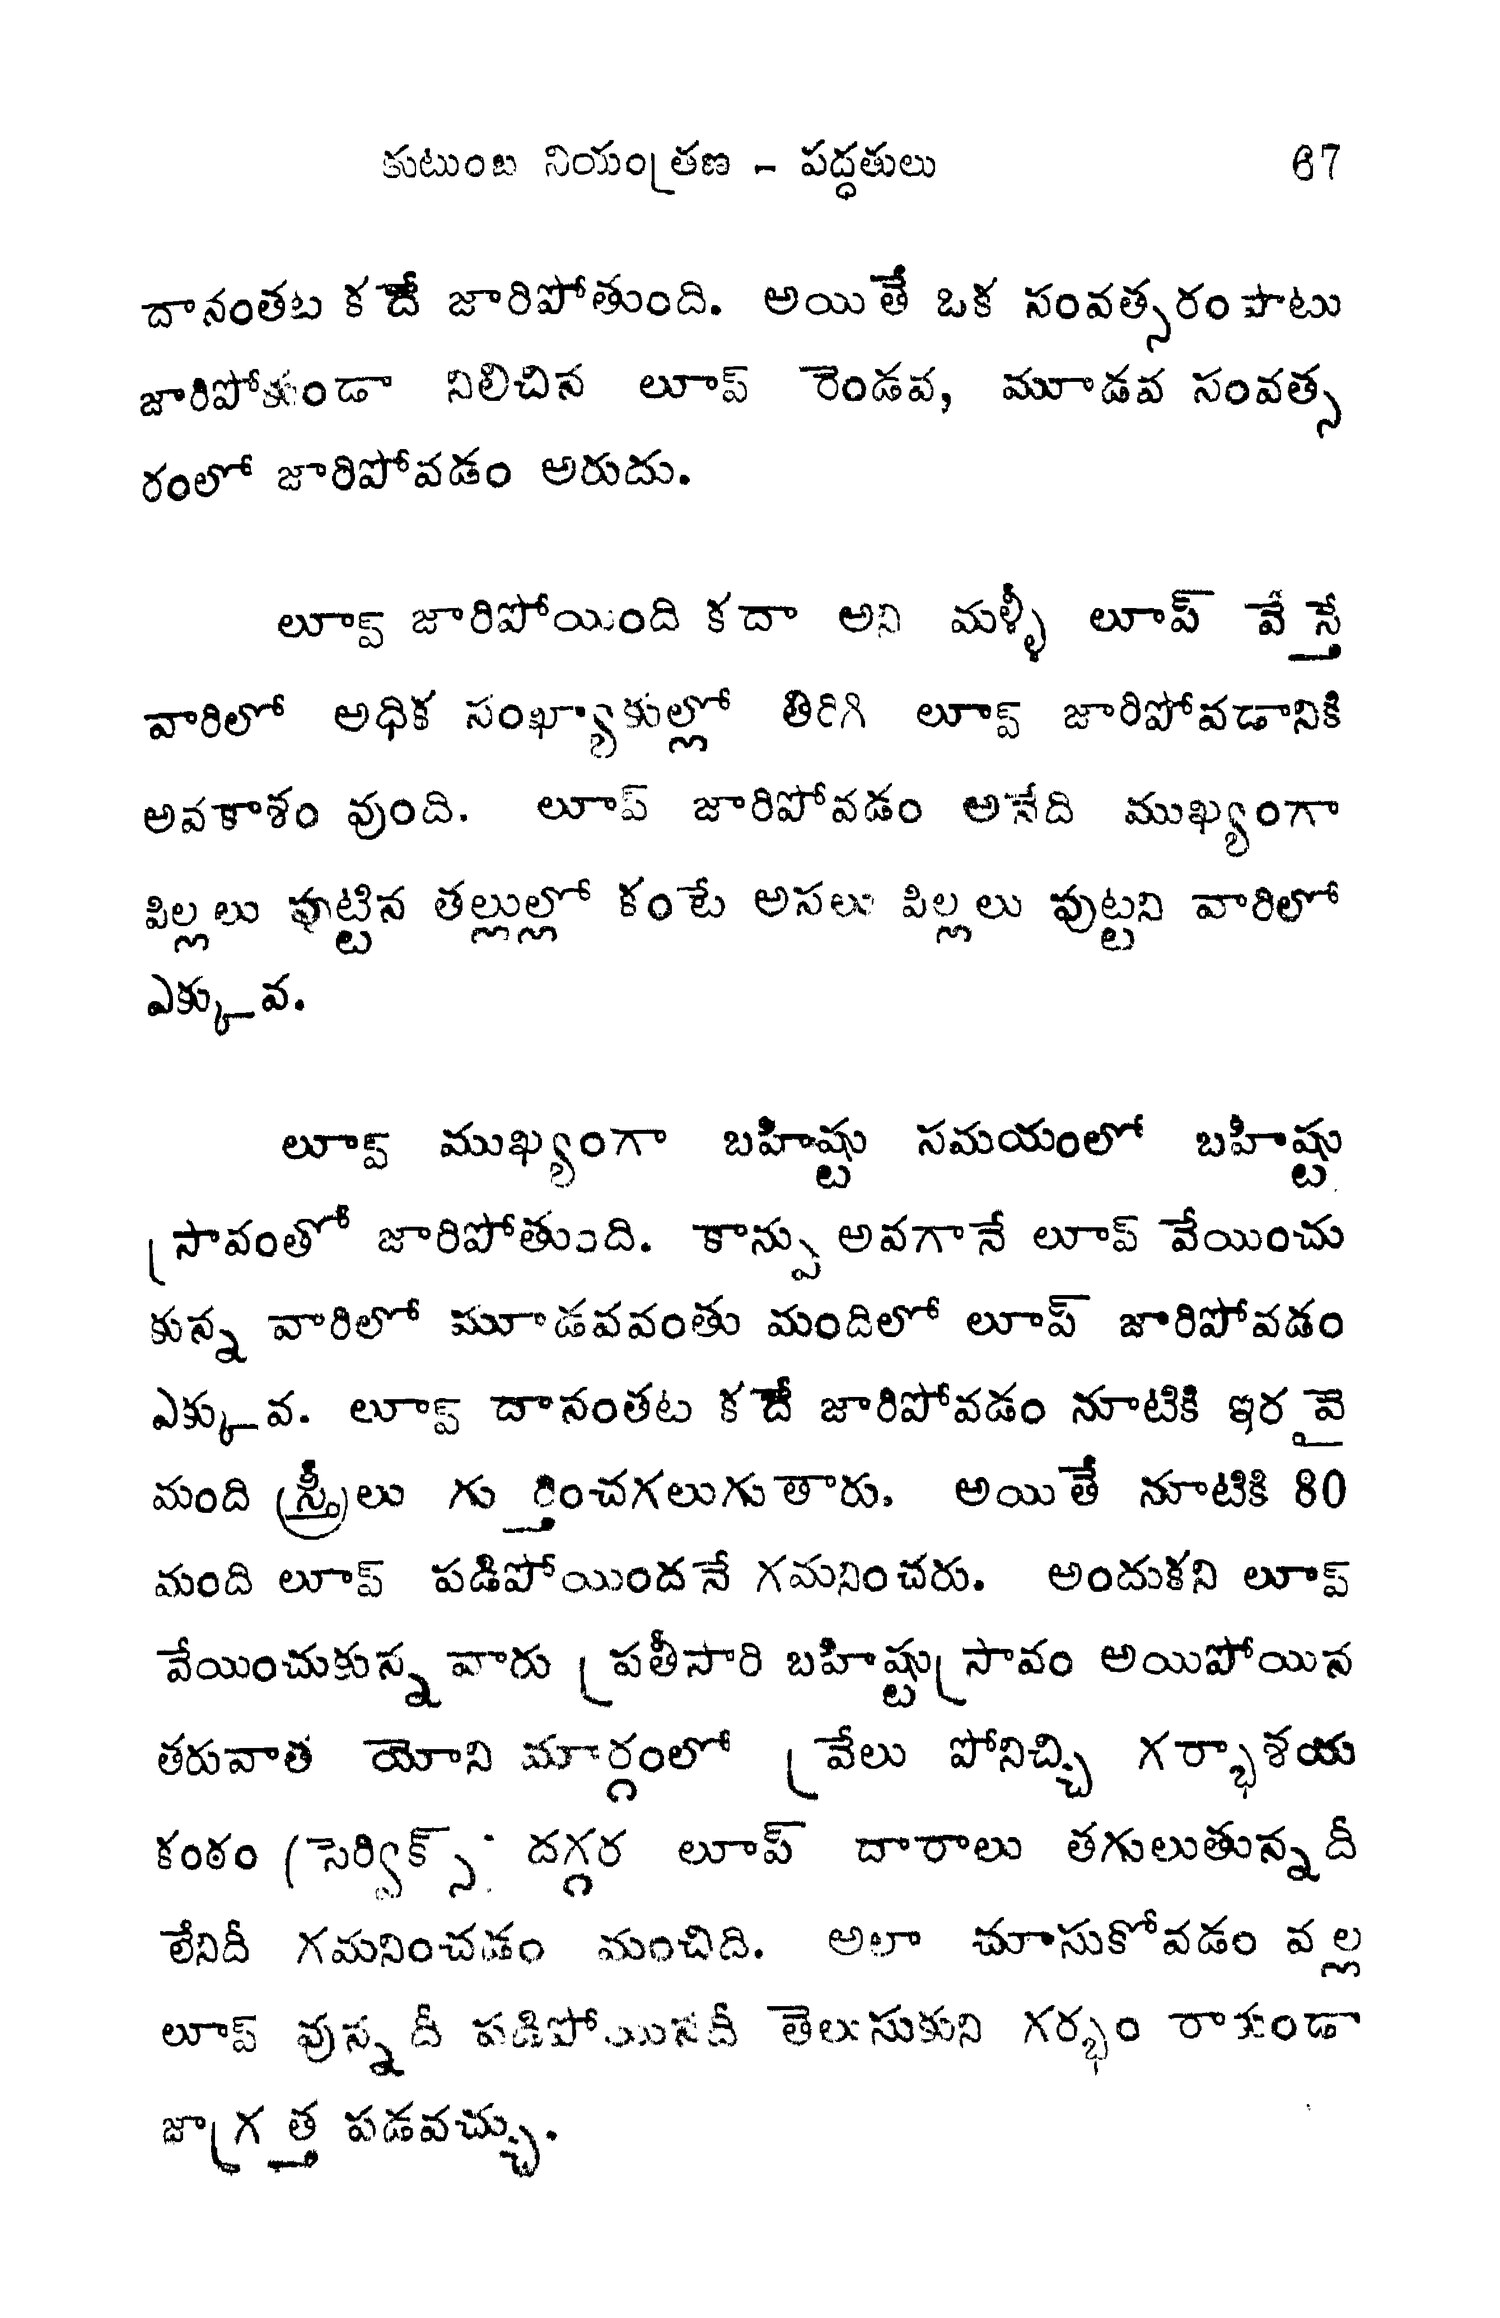దానంతట కదే జారిపోతుంది. అయితే ఒక సంవత్సరంపాటు జారిపోకుండా నిలిచిన లూప్ రెండవ్, మూడవ సంవత్సరంలో జారిపోవడం అరుదు.

లూప్ జారిపోయింది కదా అని మళ్ళీ లూప్ వేస్తే వారిలో అధిక సంఖ్యాకుల్లో తిరిగి లూప్ జారిపోవడానికి అవకాశం వుంది. లూప్ జారిపోవడం అనేది ముఖ్యంగా పిల్లలు పుట్టిన తల్లుల్లో కంటే అసలు పిల్లలు పుట్టని వారిలో ఎక్కువ.

లూప్ ముఖ్యంగా బహిష్టు సమయంలో బహిష్టు స్రావంతో జారిపోతుంది. కాన్పు అవగానే లూప్ వేయించుకున్న వారిలో మూడవవంతు మందిలో లూప్ జారిపోవడం ఎక్కువ. లూప్ దానంతట కదే జారిపోవడం నూటికి ఇరవై మంది స్త్రీలు గుర్తించగలుగుతారు. అయితే నూటికి 80 మంది లూప్ పడిపోయిందనే గమనించరు. అందుకని లూప్ వేయించుకున్న వారు ప్రతీసారి బహిష్టుస్తావం అయిపోయిన తరువాత యోని మార్గంలో వ్రేలు పోనిచ్చి గర్బాశయకంఠం (సెర్విక్స్ దగ్గర లూప్ దారాలు తగుతున్నదీ లేనిదీ గమనించడం మంచిది. అలా చూసుకోవడం వల్ల లూప్ వున్నదీ పడిపోయినదీ తెలుసుకుని గర్భం రాకుండా జాగ్రత్త పడవచ్చు.